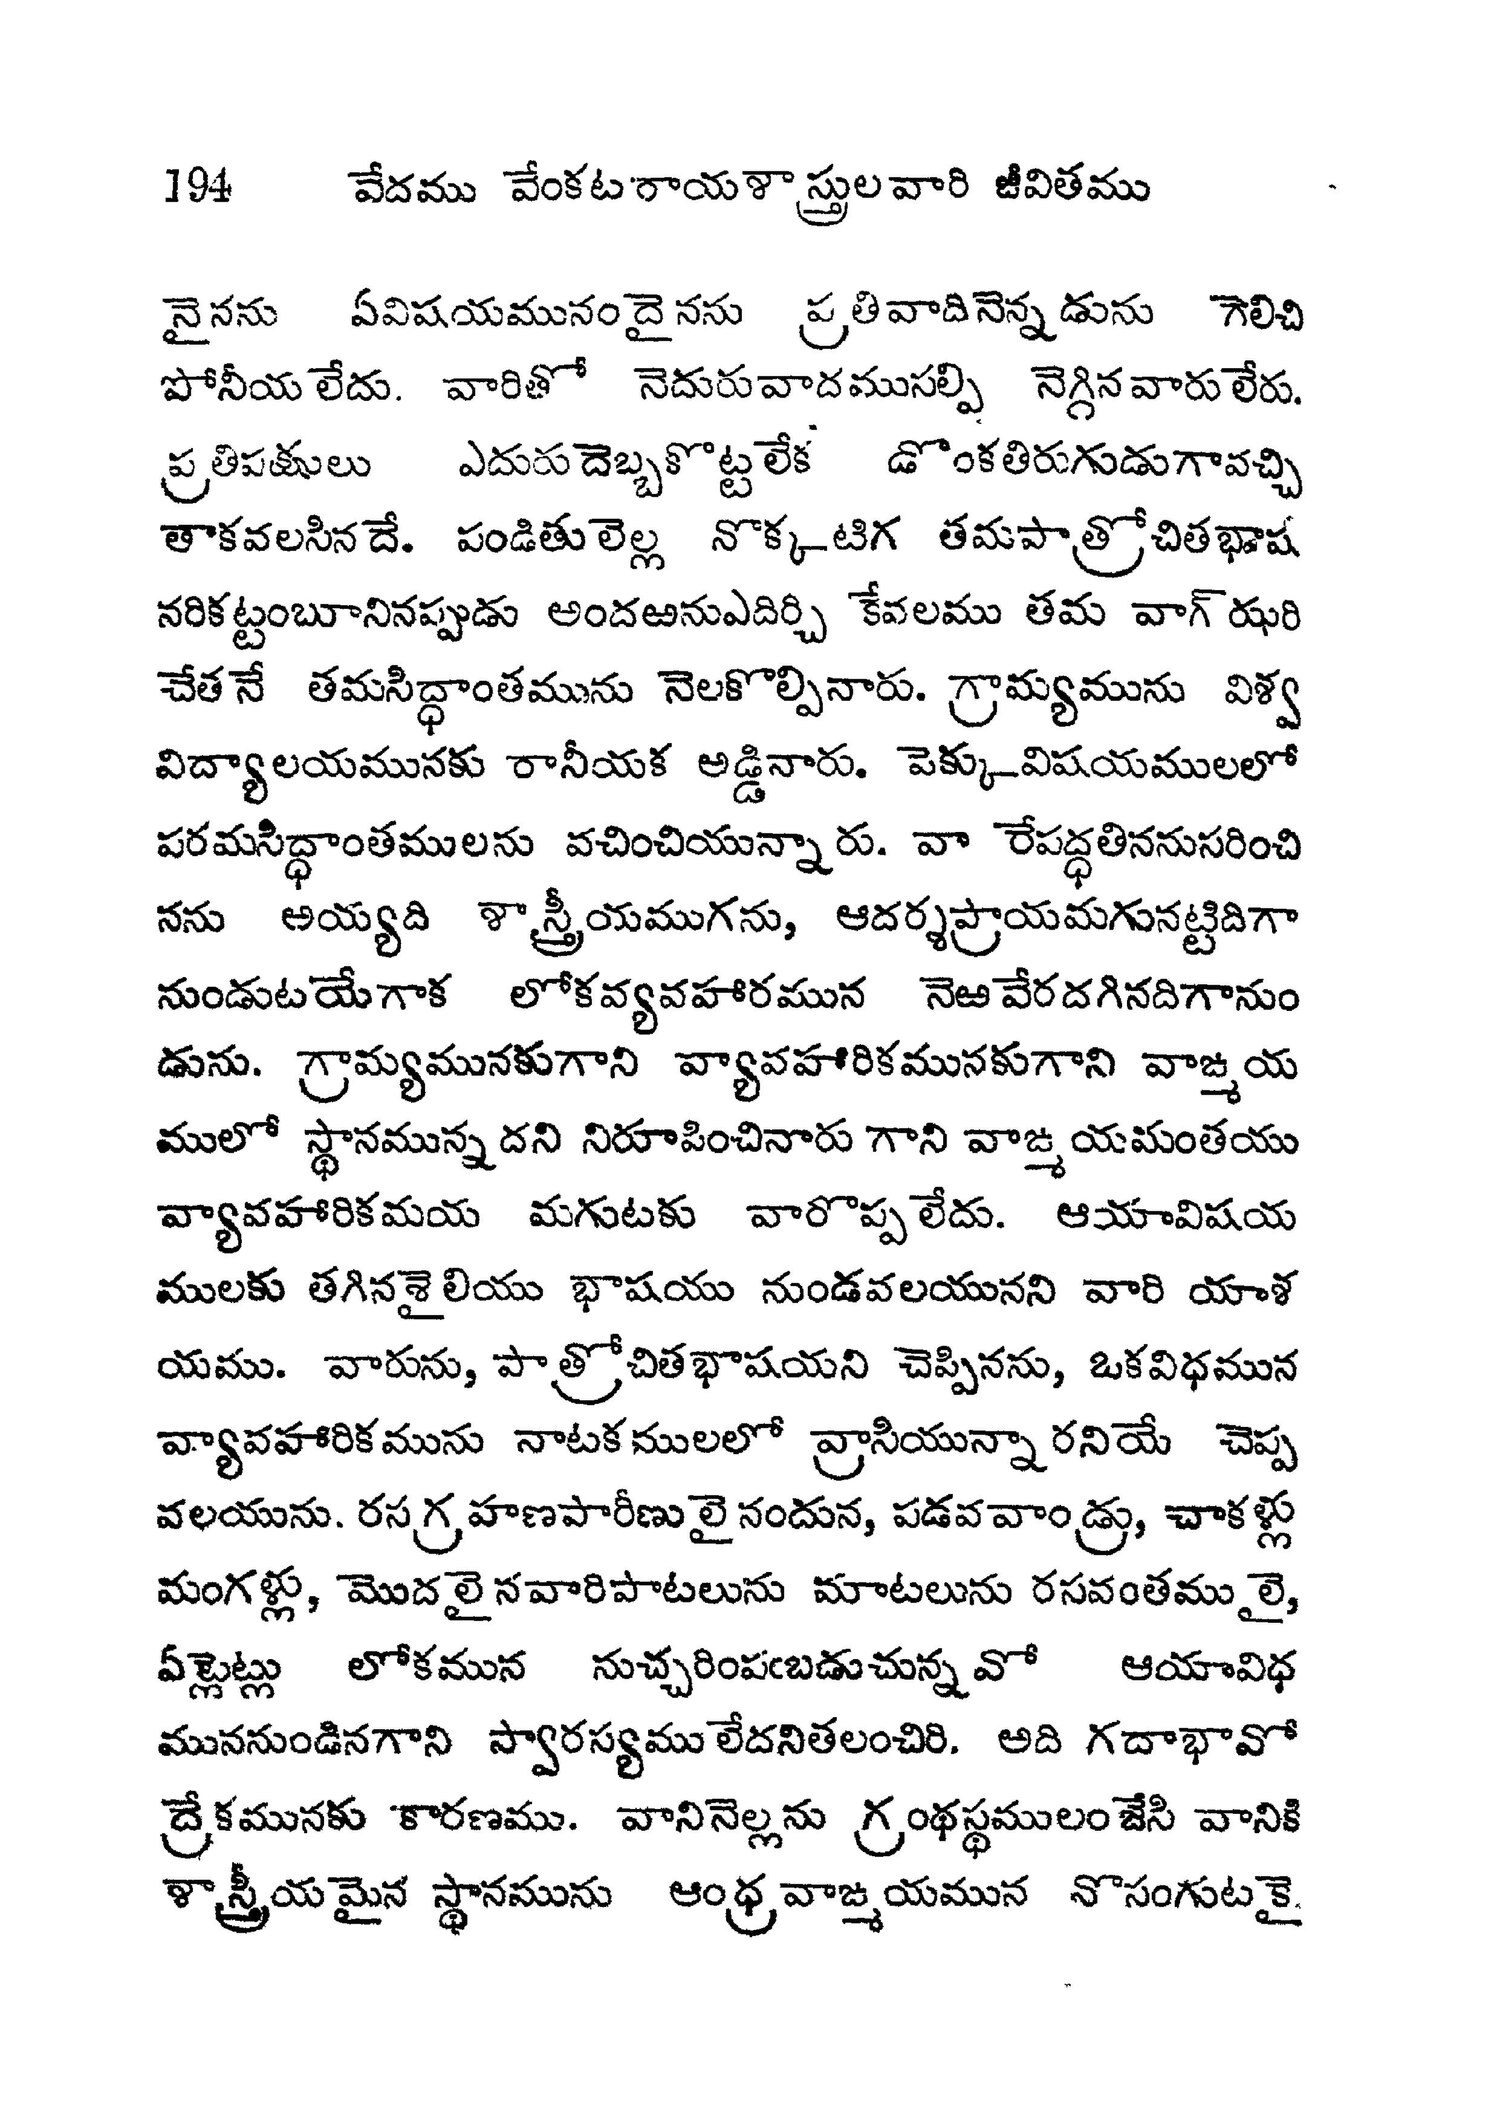నైనను ఏవిషయము నందైనను ప్రతివాదినెన్నడును గెలిచి పోనీయలేదు. వారితో నెదురువాదముసల్పి నెగ్గినవారు లేరు. ప్రతిపక్షులు ఎదురుదెబ్బకొట్టలేక డొంకతిరుగుడుగావచ్చి తాకవలసినదే. పండితులెల్ల నొక్కటిగ తమపాత్రోచితభాష నరికట్టుంబూనినప్పుడు అందఱనుఎదిర్చి కేవలము తమ వాగ్‌ఝురిచేతనే తమసిద్ధాంతమును నెలకొల్పినారు. గ్రామ్యమును విశ్వవిద్యాలయమునకు రానీయక అడ్డినారు. పెక్కువిషయములలో పరమసిద్ధాంతములను వచించియున్నారు. వా రేపద్ధతి ననుసరించినను అయ్యది శాస్త్రీయముగను, ఆదర్శప్రాయమగునట్టిదిగా నుండుటయేగాక లోకవ్యవహారమున నెఱవేరదగినదిగా నుండును. గ్రామ్యమునకుగాని వ్యావహారికమునకుగాని వాఙ్మయములో స్థానమున్నదని నిరూపించినారు గాని వాఙ్మయమంతయు వ్యావహారికమయ మగుటకు వారొప్పలేదు. ఆయావిషయములకు తగినశైలియు భాషయు నుండవలయునని వారి యాశయము. వారును, పాత్రోచితభాషయని చెప్పినను, ఒకవిధమున వ్యావహారికమును నాటకములలో వ్రాసియున్నారనియే చెప్పవలయును. రసగ్రహణపారీణులైనందున, పడవవాండ్రు, చాకళ్లు, మంగళ్లు, మొదలైనవారి పాటలును మాటలును రసవంతములై, ఏట్లెట్లు లోకమున నుచ్చరింపబడుచున్నవో ఆయావిధముననుండిన గాని స్వారస్యము లేదనితలంచిరి. అది గదాభావోద్రేకమునకు కారణము. వానినెల్లను గ్రంథస్థములంజేసి వానికి శాస్త్రీయమైన స్థానమును ఆంధ్రవాఙ్మయమున నొసంగుటకై